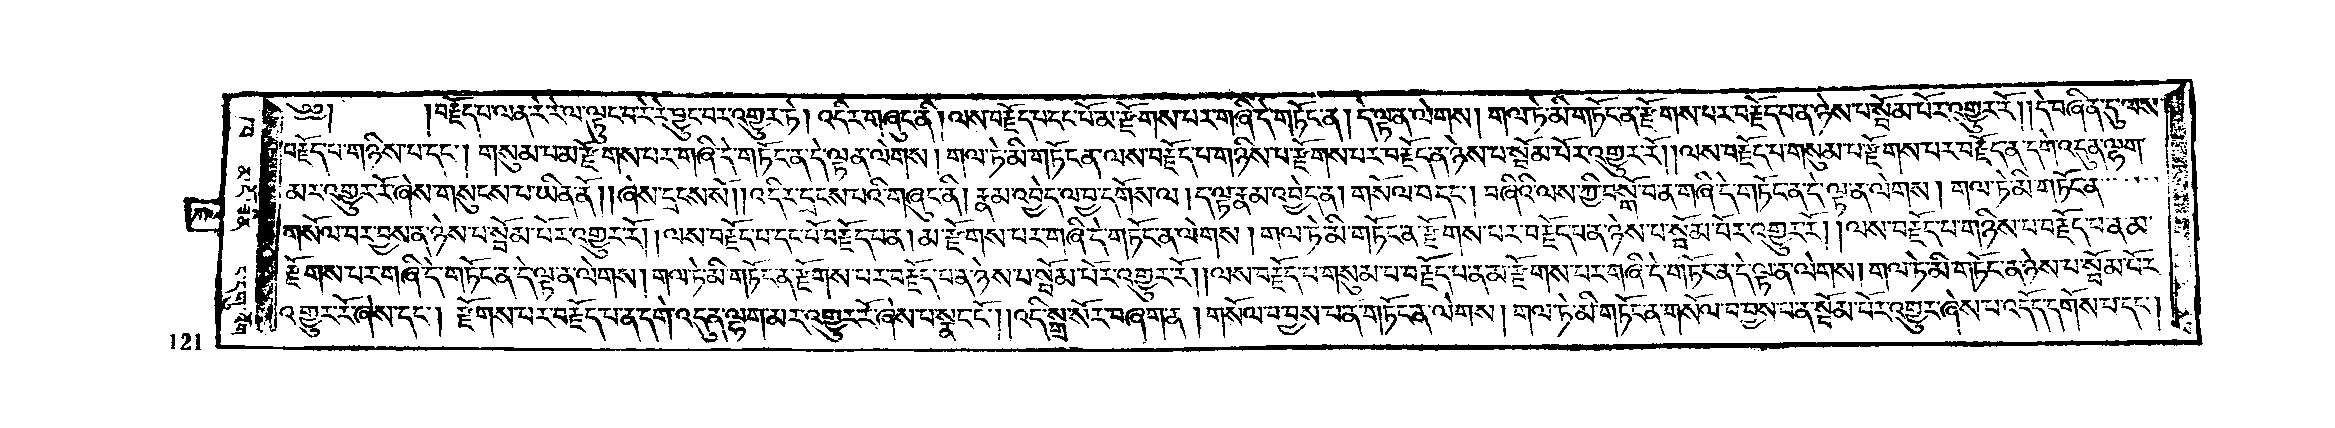སེཅོནད་༄༅། །བརྗོད་པ་ལན་རེ་རེ་ལ་ལྟུང་བ་རེ་རེ་བྱུང་བར་འགྱུར་ཏེ། འདིར་གཞུང་ནི། ལས་བརྗོད་པ་དང་པོ་མ་རྫོགས་པར་གཞི་དེ་གཏོང་ན། དེ་ལྟ་ན་ལེགས། གལ་ཏེ་མི་གཏོང་ན་རྫོགས་པར་བརྗོད་པ་ན་ཉེས་པ་སྦོམ་པོར་འགྱུར་རོ། །དེ་བཞིན་དུ་ལས་
བརྗོད་པ་གཉིས་པ་དང་། གསུམ་པ་མ་རྫོགས་པར་གཞི་དེ་གཏོང་ན་དེ་ལྟ་ན་ལེགས། གལ་ཏེ་མི་གཏོང་ན་ལས་བརྗོད་པ་གཉིས་པ་རྫོགས་པར་བརྗོད་ན་ཉེས་པ་སྦོམ་པོར་འགྱུར་རོ། །ལས་བརྗོད་པ་གསུམ་པ་རྫོགས་པར་བརྗོད་ན་དགེ་འདུན་ལྷག་
མར་འགྱུར་རོ་ཞེས་གསུངས་པ་ཡིན་ནོ། །ཞེས་དྲངས་སོ། །འདིར་དྲངས་པའི་གཞུང་ནི། རྣམ་འབྱེད་ལ་བྱ་དགོས་ལ། ད་ལྟ་རྣམ་འབྱེད་ན། གསོལ་བ་དང་། བཞིའི་ལས་ཀྱི་བསྒོ་བ་ན་གཞི་དེ་གཏོང་ན་དེ་ལྟ་ན་ལེགས། གལ་ཏེ་མི་གཏོང་ན་
གསོལ་བར་བྱས་ན་ཉེས་པ་སྦོམ་པོར་འགྱུར་རོ། །ལས་བརྗོད་པ་དང་པོ་བརྗོད་པ་ན། མ་རྫོགས་པར་གཞི་དེ་གཏོང་ན་ལེགས། གལ་ཏེ་མི་གཏོང་ན་རྫོགས་པར་བརྗོད་པ་ན་ཉེས་པ་སྦོམ་པོར་འགྱུར་རོ། །ལས་བརྗོད་པ་གཉིས་པ་བརྗོད་པ་ན་མ་
རྫོགས་པར་གཞི་དེ་གཏོང་ན་དེ་ལྟ་ན་ལེགས། གལ་ཏེ་མི་གཏོང་ན་རྫོགས་པར་བརྗོད་པ་ན་ཉེས་པ་སྦོམ་པོར་འགྱུར་རོ། །ལས་བརྗོད་པ་གསུམ་པ་བརྗོད་པ་ན་མ་རྫོགས་པར་གཞི་དེ་གཏོང་ན་དེ་ལྟ་ན་ལེགས། གལ་ཏེ་མི་གཏོང་ན་ཉེས་པ་སྦོམ་པོར་
འགྱུར་རོ་ཞེས་དང་། རྫོགས་པར་བརྗོད་པ་ན་དགེ་འདུན་ལྷག་མར་འགྱུར་རོ་ཞེས་པ་སྣང་ངོ། །འདི་སྒྲ་སོར་བཞག་ན། གསོལ་བ་བྱས་པ་ན་གཏོང་ན་ལེགས། གལ་ཏེ་མི་གཏོང་ན་གསོལ་བ་བྱས་པ་ན་སྦོམ་པོར་འགྱུར་ཞེས་པ་འདོད་དགོས་པ་དང་།